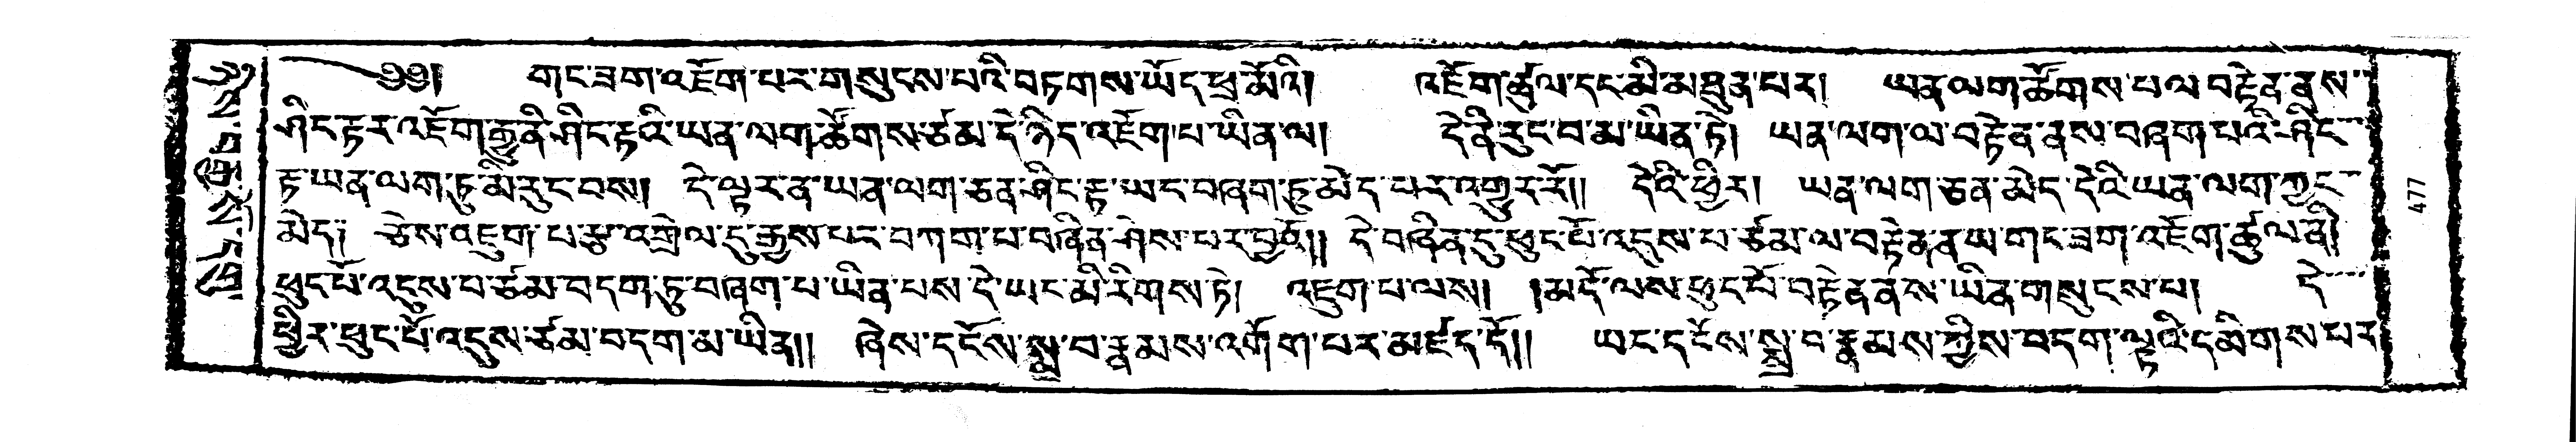༄༅། །གང་ཟག་འཇོག་པར་གསུངས་པའི་བཏགས་ཡོད་ཕྲ་མོའི། འཇོག་ཚུལ་དང་མི་མཐུན་པར། ཡན་ལག་ཚོགས་པ་ལ་བརྟེན་ནས་
ཤིང་རྟར་འཇོག་རྒྱུ་ནི་ཤིང་རྟའི་ཡན་ལག་ཚོགས་ཙམ་དེ་ཉིད་འཇོག་པ་ཡིན་ལ། དེ་ནི་རུང་བ་མ་ཡིན་ཏེ། ཡན་ལག་ལ་བརྟེན་ནས་བཞག་པའི་ཤིང་
རྟ་ཡན་ལག་ཏུ་མི་རུང་བས། དེ་ལྟར་ན་ཡན་ལག་ཅན་ཤིང་རྟ་ཡང་བཞག་ཏུ་མེད་པར་འགྱུར་རོ།། དེའི་ཕྱིར། ཡན་ལག་ཅན་མེད་དེའི་ཡན་ལག་ཀྱང་
མེད༑ ཅེས་འཇུག་པ་རྩ་འགྲེལ་དུ་རྒྱས་པར་བཀག་པ་བཞིན་ཤེས་པར་བྱའོ།། དེ་བཞིན་དུ་ཕུང་པོ་འདུས་པ་ཙམ་ལ་བརྟེན་ནས་ཡ་གང་ཟག་འཇོག་ཚུལ་ནི།
ཕུང་པོ་འདུས་པ་ཙམ་བདག་ཏུ་བཞག་པ་ཡིན་པས་དེ་ཡང་མི་རིགས་ཏེ། འཇུག་པ་ལས། །མདོ་ལས་ཕུང་པོ་བརྟེན་ནས་ཡིན་གསུངས་པ། དེ་
ཕྱིར་ཕུང་པོ་འདུས་ཙམ་བདག་མ་ཡིན།། ཞེས་དངོས་སྨྲ་བ་རྣམས་འགོག་པར་མཛད་དོ།། ཡང་དངོས་སྨྲ་བ་རྣམས་ཀྱིས་བདག་ལྟའི་དམིགས་པར་